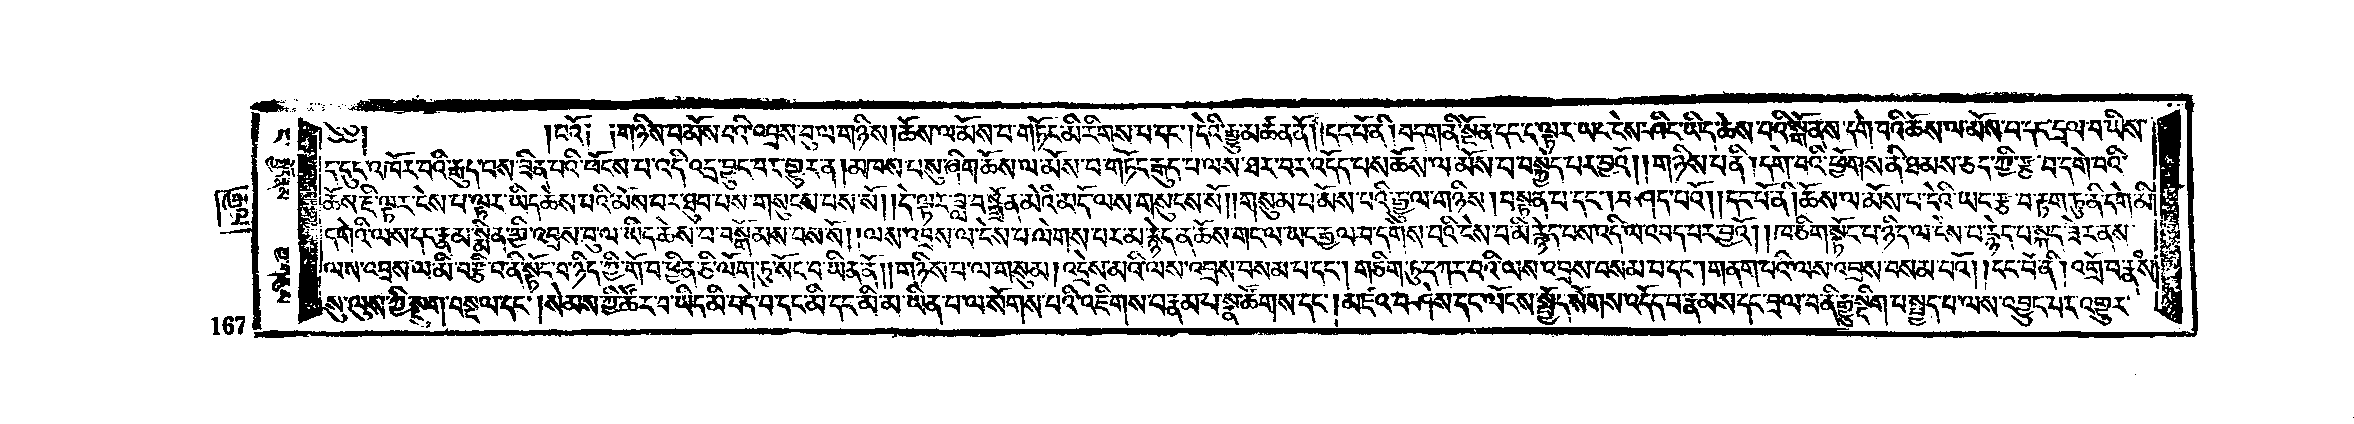༄༅། །པའོ༑ ༑གཉིས་པ་མོས་པའི་འབྲས་བུ་ལ་གཉིས། ཆོས་ལ་མོས་པ་གཏོང་མི་རིགས་པ་དང་། དེའི་རྒྱུ་མཚན་ནོ། །དང་པོ་ནི། བདག་ནི་སྔོན་དང་ད་ལྟར་ཡང་ངེས་ཤིང་ཡིད་ཆེས་པའི་སྒོ་ནས་དགེ་བའི་ཆོས་ལ་མོས་པ་དང་བྲལ་བ་ཡིས་
ད་དུང་འཁོར་བའི་རྒུད་པས་ཟིན་པའི་ཕོངས་པ་འདི་འདྲ་བྱུང་བར་གྱུར་ན། མཁས་པ་སུ་ཞིག་ཆོས་ལ་མོས་པ་གཏོང་རྒུད་པ་ལས་ཐར་པར་འདོད་པས་ཆོས་ལ་མོས་པ་བསྐྱེད་པར་བྱའོ། །གཉིས་པ་ནི། དགེ་བའི་ཕྱོགས་ནི་ཐམས་ཅད་ཀྱི་རྩ་བ་དགེ་བའི་
ཆོས་ཇི་ལྟར་ངེས་པ་ལྟར་ཡིད་ཆེས་པའི་མོས་པར་ཐུབ་པས་གསུངས་པས་སོ། །དེ་ལྟར་ཟླ་བ་སྒྲོན་མེའི་མདོ་ལས་གསུངས་སོ། །གསུམ་པ་མོས་པའི་རྒྱུ་ལ་གཉིས། བསྟན་པ་དང་། བཤད་པའོ། །དང་པོ་ནི། ཆོས་ལ་མོས་པ་དེའི་ཡང་རྩ་བ་རྟག་ཏུ་མི་དགེ་མི་
དགེའི་ལས་དང་རྣམ་སྨིན་གྱི་འབྲས་བུ་ལ་ཡིད་ཆེས་པ་བསྒོམས་པས་སོ། །ལས་འབྲས་ལ་ངེས་པ་ལེགས་པར་མ་རྙེད་ན་ཆོས་གང་ལ་ཡང་རྒྱལ་བ་དགེས་པའི་ངེས་པ་མི་རྙེད་པས་འདི་ལ་འབད་པར་བྱའོ། །ཁ་ཅིག་སྟོང་པ་ཉིད་ལ་ངེས་པ་རྙེད་པ་སྐད་ཟེར་ནས་
ལས་འབྲས་ལ་མི་བརྩི་བ་ནི་སྟོང་པ་ཉིད་ཀྱི་གོ་བ་ཕྱིན་ཅི་ལོག་ཏུ་སོང་བ་ཡིན་ནོ། །གཉིས་པ་ལ་གསུམ། འདྲེས་མའི་ལས་འབྲས་བསམ་པ་དང་། གཅིག་ཏུ་དཀར་བའི་ལས་འབྲས་བསམ་པ་དང་། གནག་པའི་ལས་འབྲས་བསམ་པའོ། །དང་པོ་ནི། འགྲོ་བ་རྣམས་
སུ་ལུས་ཀྱི་སྡུག་བསྔལ་དང་། སེམས་ཀྱི་ཚོར་བ་ཡིད་མི་བདེ་བ་དང་མི་དང་མི་མ་ཡིན་པ་ལ་སོགས་པའི་འཇིགས་པ་རྣམ་པ་སྣ་ཚོགས་དང་། མཛའ་བཤེས་དང་ལོངས་སྤྱོད་སོགས་འདོད་པ་རྣམས་དང་བྲལ་བ་ནི་རྒྱུ་སྡིག་པ་སྤྱད་པ་ལས་འབྱུང་བར་འགྱུར་